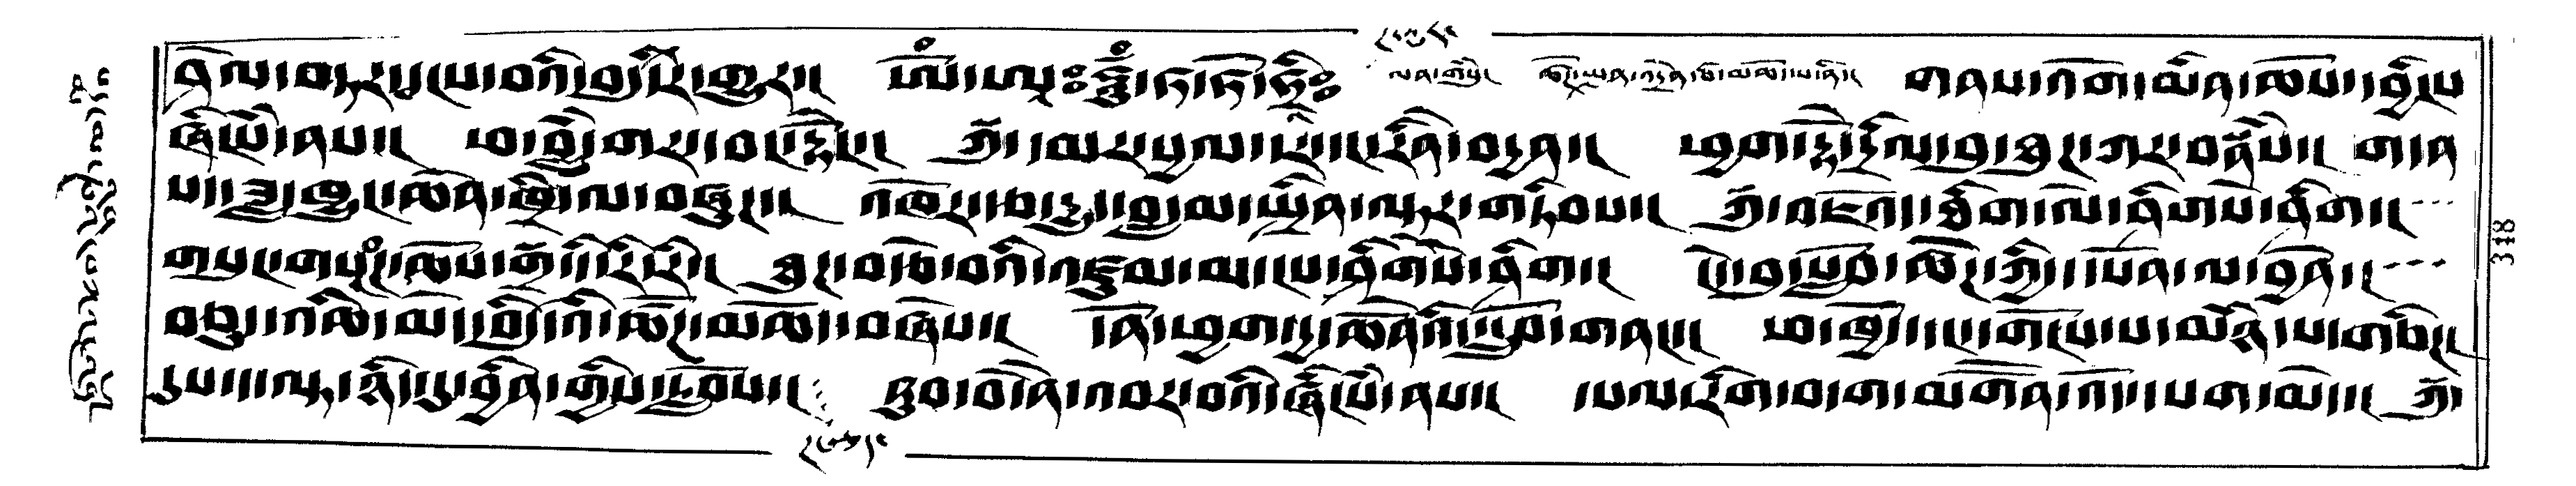ཤེལ་ལྟར་དྭངས་བའི་བདུད་རྩིར་གྱུར། ཨོཾ་ཨཱཿཧཱུྃ་ཧ་ཧོ་ཧྲཱིཿ ལན་གསུམ། ཚོགས་སྤྱན་འདྲེན་དང་མཆོད་པ་ནི།གནས་འོག་མིན་ཆོས་དབྱིངས་
ཞིང་ཁམས་ནས། །ཕ་བླ་མ་གར་དབང་རྡོ་རྗེ་འཆང་། །སྐུ་དམར་གསལ་དར་དང་རིན་ཆེན་བརྒྱན། །ཕྱག་རྡོ་རྗེ་དྲིལ་བུ་ཐུགས་ཀར་བསྣམས། །གདན་
པད་ཟླ་ཁྱུང་ཆེན་ཁྲི་ལ་བཞུགས། །འཁོར་རྩ་རྒྱུད་བླ་མ་སྤྲིན་ལྟར་གཏིབས། །སྐུ་འཇའ་འོད་ཐིག་ལེ་ཤིགས་སེ་ཤིག། །
གསུང་གསང་སྔགས་ཆོས་སྒྲ་དི་རི་རི། །ཐུགས་བརྩེ་བའི་འཛུམ་མདངས་ཤིགས་སེ་ཤིག །ངེད་དབུ་སློབ་ཚོགས་ཀྱི་དཔོན་ལ་བྱོན། །
བཅུད་འཆི་མེད་བདུད་རྩིའི་ཚོགས་མཆོད་བཞེས། །དོན་ཕྱག་རྒྱ་ཆེན་པོའི་ངོས་གྲུབ་གནང་། །ཕ་ཁྱོད་དང་དགོངས་པ་མཉམ་པ་ཞིག །
དུས་ད་ལྟ་ཉིད་དུ་བྱིན་གྱིས་རློབས། ། ནུབ་བདེ་ཆེན་འབར་བའི་ཞིང་ཁམས་ནས། །དཔལ་རིགས་བདག་མགོན་པོ་འོད་དཔག་མེད། །སྐུ་